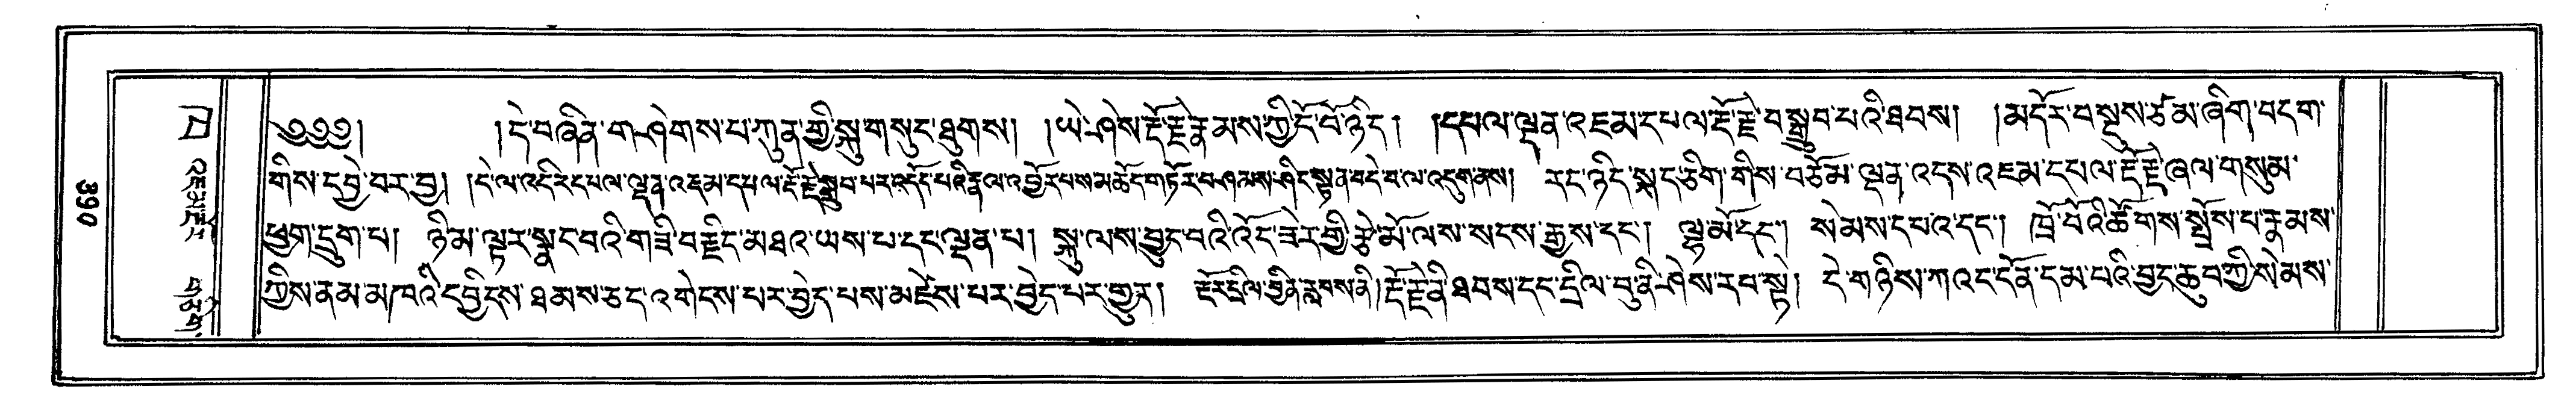༄༅༅། །དེ་བཞིན་གཤེགས་པ་ཀུན་གྱི་སྐུ་གསུང་ཐུགས། །ཡེ་ཤེས་རྡོ་རྗེ་རྣམས་ཀྱི་ངོ་བོ་ཉིད། །དཔལ་ལྡན་འཇམ་དཔལ་རྡོ་རྗེ་བསྒྲུབ་པའི་ཐབས། །མདོར་བསྡུས་ཙམ་ཞིག་བདག་
གིས་དབྱེ་བར་བྱ། །དེ་ལ་འདིར་དཔལ་ལྡན་འཇམ་དཔལ་རྡོ་རྗེ་སྒྲུབ་པར་འདོད་པའི་རྣལ་འབྱོར་པས་མཆོད་གཏོང་བཤམས་ཤིང་སྟན་བདེ་བ་ལ་འདུག་ནས། རང་ཉིད་སྐད་ཅིག་གིས་བཅོམ་ལྡན་འདས་འཇམ་དཔལ་རྡོ་རྗེ་ཞལ་གསུམ་
ཕྱག་དྲུག་པ། ཉི་མ་ལྟར་སྣང་བའི་གཟི་བརྗིད་མཐའ་ཡས་པ་དང་ལྡན་པ། སྐུ་ལས་བྱུང་བའི་འོད་ཟེར་གྱི་རྩེ་མོ་ལས་སངས་རྒྱས་དང་། ལྷ་མོ་དང་། སེམས་དཔའ་དང་། ཁྲོ་བོའི་ཚོགས་སྤྲོས་པ་རྣམས་
ཀྱིས་ནམ་མཁའི་དབྱིངས་ཐམས་ཅད་འགེངས་པར་བྱེད་པས་མཛེས་པར་བྱེད་པར་གྱུར། རྡོར་དྲིལ་བྱིན་རླབས་ནི། རྡོ་རྗེ་ནི་ཐབས་དང་དྲིལ་བུ་ནི་ཤེས་རབ་སྟེ། དེ་གཉིས་ཀའང་དོན་དམ་པའི་བྱང་ཆུབ་ཀྱི་སེམས་